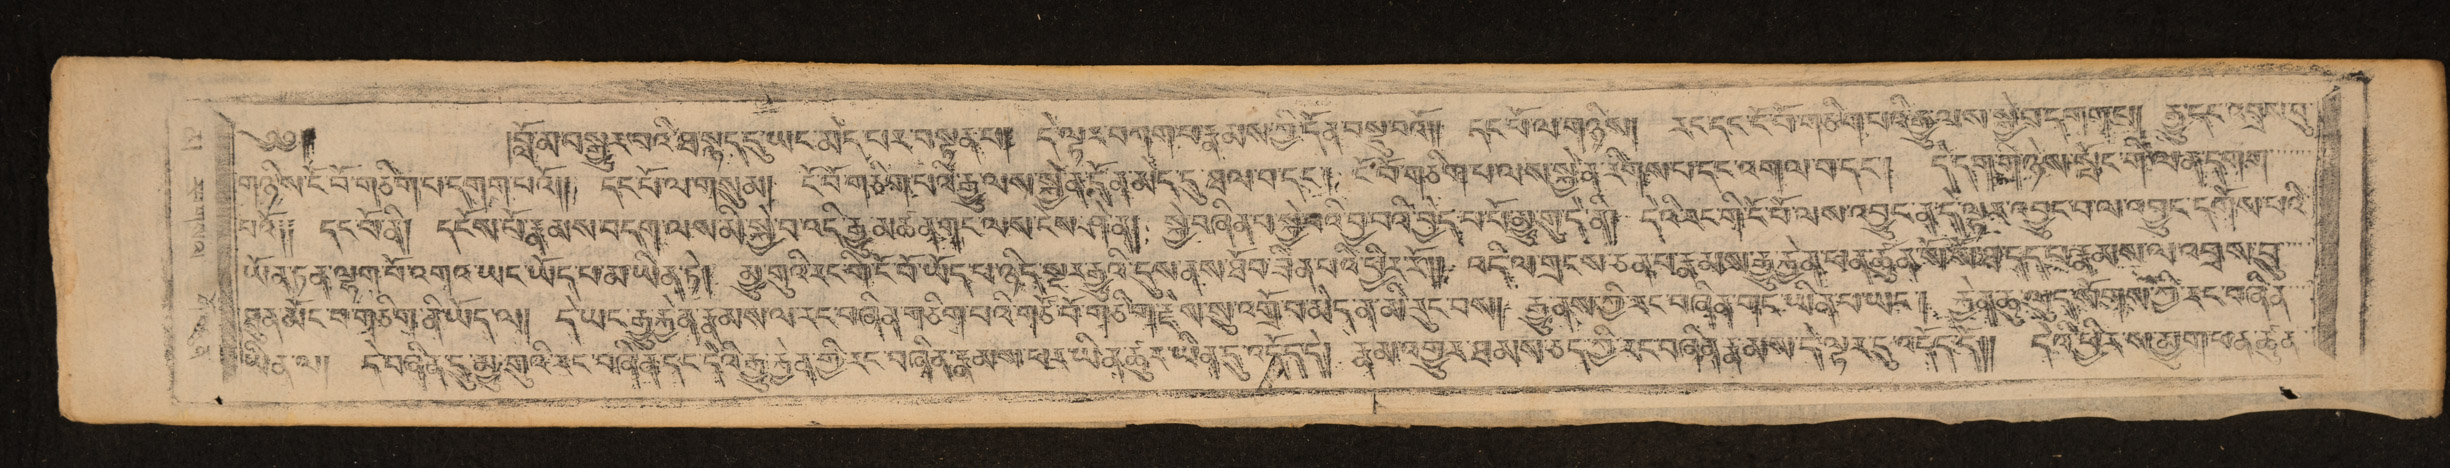༄༅། །བློ་མ་བསྒྱུར་བའི་ཐ་སྙད་དུ་ཡང་མེད་པར་བསྟན་པ། དེ་ལྟར་བཀག་པ་རྣམས་ཀྱི་དོན་བསྡུ་བའོ།། དང་པོ་ལ་གཉིས། རང་དང་ངོ་བོ་གཅིག་པའི་རྒྱུ་ལས་སྐྱེ་བ་དགག་པ། རྒྱུ་དང་འབྲས་བུ་
གཉིས་ངོ་བོ་གཅིག་པ་དགག་པའོ།། དང་པོ་ལ་གསུམ། ངོ་བོ་གཅིག་པའི་རྒྱུ་ལས་སྐྱེ་ན་དོན་མེད་དུ་ཐལ་བ་དང་། ངོ་བོ་གཅིག་པ་ལས་སྐྱེ་ན་རིགས་པ་དང་འགལ་བ་དང་། དེ་དག་གི་ཉེས་སྤོང་གི་ལན་དགག་
པའོ།། དང་པོ་ནི། དངོས་པོ་རྣམས་བདག་ལས་མི་སྐྱེ་བ་འདི་རྒྱུ་མཚན་གང་ལས་ངེས་ཤེ་ན། སྐྱེ་བཞིན་པ་སྐྱེ་བའི་བྱ་བའི་བྱེད་པ་པོ་མྱུ་གུ་དེ་ནི། དེའི་རང་གི་ངོ་བོ་ལས་བྱུང་ན་དེ་ལྟར་འབྱུང་བ་ལ་འབྱུང་དགོས་པའི་
ཡོན་ཏན་ལྷག་པོ་འགའ་ཡང་ཡོད་པ་མ་ཡིན་ཏེ། མྱུ་གུའི་རང་གི་ངོ་བོ་ཡོད་པ་ཉིད་སྔར་རྒྱུའི་དུས་ནས་ཐོབ་ཟིན་པའི་ཕྱིར་རོ།། འདི་ལ་གྲངས་ཅན་པ་རྣམས་རྒྱུ་རྐྱེན་ཕན་ཚུན་སོ་སོ་ཐ་དད་པ་རྣམས་ལ་འབྲས་བུ་
ཐུན་མོང་བ་གཅིག་ནི་ཡོད་ལ། དེ་ཡང་རྒྱུ་རྐྱེན་རྣམས་ལ་རང་བཞིན་གཅིག་པའི་གཙོ་བོ་གཅིག་རྗེས་སུ་འགྲོ་བ་མེད་ན་མི་རུང་བས། རྒྱུ་ནས་ཀྱི་རང་བཞིན་གང་ཡིན་པ་ཡང་། རྐྱེན་ཆུ་ལུད་སོགས་ཀྱི་རང་བཞིན་
ཡིན་ལ། དེ་བཞིན་དུ་མྱུ་གུའི་རང་བཞིན་དང་དེའི་རྒྱུ་རྐྱེན་གྱི་རང་བཞིན་རྣམས་ཕར་ཡིན་ཚུར་ཡིན་དུ་འདོད་དེ། རྣམ་འགྱུར་ཐམས་ཅད་ཀྱི་རང་བཞིན་རྣམས་དེ་ལྟར་དུ་འདོད་དོ།། དེའི་ཕྱིར་ས་མྱུག་ཕན་ཚུན་